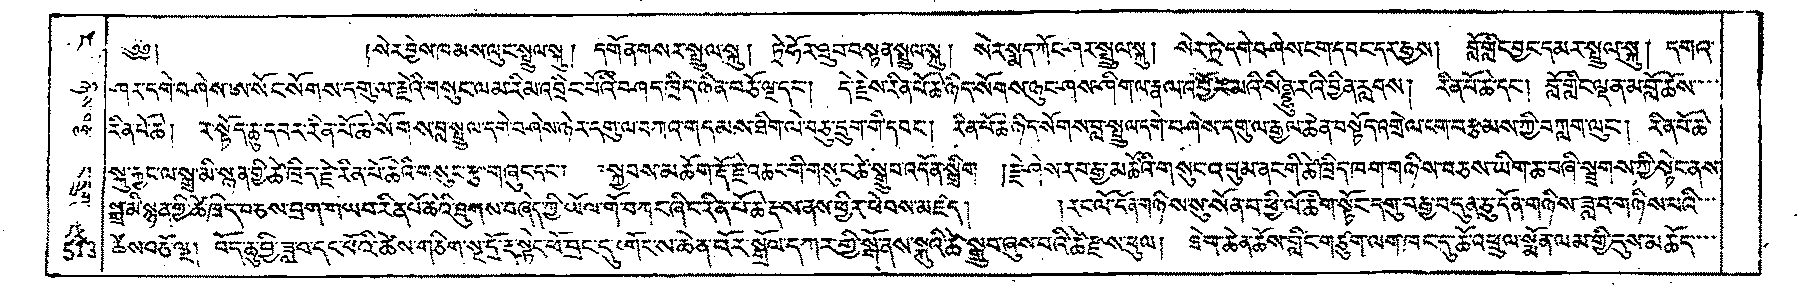༄༅། །སེར་བྱེས་ཁམས་ལུང་སྤྲུལ་སྐུ། དགོན་གསར་སྤྲུལ་སྐུ། ཏྲེ་ཧོར་ཐུབ་བསྟན་སྤྲུལ་སྐུ། སེར་སྨད་ཀོང་ཤར་སྤྲུལ་སྐུ། སེར་ཏྲེ་དགེ་བཤེས་ངག་དབང་དར་རྒྱས། བློ་གླིང་བྱང་དམར་སྤྲུལ་སྐུ། དགའ་
ཤར་དགེ་བཤེས་ཨ་སོང་སོགས་དགུ་ལ་རྗེའི་གསུང་ལམ་རིམ་འབྲིང་པོའི་བཤད་ཁྲིད་ཉིན་བཅོ་ལྔ་དང་། དེ་རྗེས་རིན་པོ་ཆེ་ཉིད་སོགས་ཉུང་ཤས་ཤིག་ལ་རྣལ་འབྱོར་མའི་སིནྡྷུ་རའི་བྱིན་རླབས། རིན་པོ་ཆེ་དང་། བློ་གླིང་ལྡན་མ་བློ་ཆོས་
རིན་པོ་ཆེ། ར་སྟོད་ཆུ་དབར་རིན་པོ་ཆེ་སོགས་བླ་སྤྲུལ་དགེ་བཤེས་ཉེར་དགུ་ལ་བཀའ་གདམས་ཐིག་ལེ་བཅུ་དྲུག་གི་དབང་། རིན་པོ་ཆེ་ཉིད་སོགས་བླ་སྤྲུལ་དགེ་བཤེས་དགུ་ལ་རྒྱལ་ཆེན་བསྟོད་འགྲེལ་ངག་བརྩམས་ཀྱི་བཀླག་ལུང་། རིན་པོ་ཆེ་
སྐུ་རྐྱང་ལ་སྒྲ་མི་སྙན་གྱི་ཚེ་ཁྲིད་རྗེ་རིན་པོ་ཆེའི་གསུང་རྩ་གཞུང་དང་། ༧སྐྱབས་མཆོག་རྡོ་རྗེ་འཆང་གི་གསུང་ཚེ་སྒྲུབ་འདོན་སྒྲིག །རྗེ་ཤེས་རབ་རྒྱ་མཚོའི་གསུམ་འབུམ་ནང་གི་ཚེ་ཁྲིད་ཁག་གཉིས་བཅས་ཡིག་ཆ་བཞི་སྦྲགས་ཀྱི་སྟེང་ནས་
སྒྲ་མི་སྙན་གྱི་ཚེ་ཁྲིད་བཅས་བྲག་གཡབ་རིན་པོ་ཆེའི་ཐུགས་བཞེད་ཀྱི་ཡོལ་གོ་བཀང་ཞིང་རིན་པོ་ཆེ་རྡ་ས་ནས་ཕྱིར་ཕེབས་མཛད། །རང་ལོ་དོན་གཉིས་སུ་སོན་པ་ཕྱི་ལོ་ཆིག་སྟོང་དགུ་བརྒྱ་བདུན་ཅུ་དོན་གཉིས་ཟླ་བ་གཉིས་པའི་
ཚེས་བཅོ་ལྔ། བོད་ཆུ་བྱི་ཟླ་བ་དང་པོའི་ཚེས་གཅིག་སྔ་དྲོ་རྡ་སྟེང་ཕོ་བྲང་དུ་༧གོང་ས་ཆེན་པོར་སྒྲོལ་དཀར་གྱི་སྒོ་ནས་སྐུའི་ཚེ་སྒྲུབ་ཞུས་པའི་ཚེ་རྫས་ཕུལ། ཐེག་ཆེན་ཆོས་གླིང་གཙུག་ལག་ཁང་དུ་ཆོ་འཕྲུལ་སྨོན་ལམ་གྱི་དུས་མཆོད་